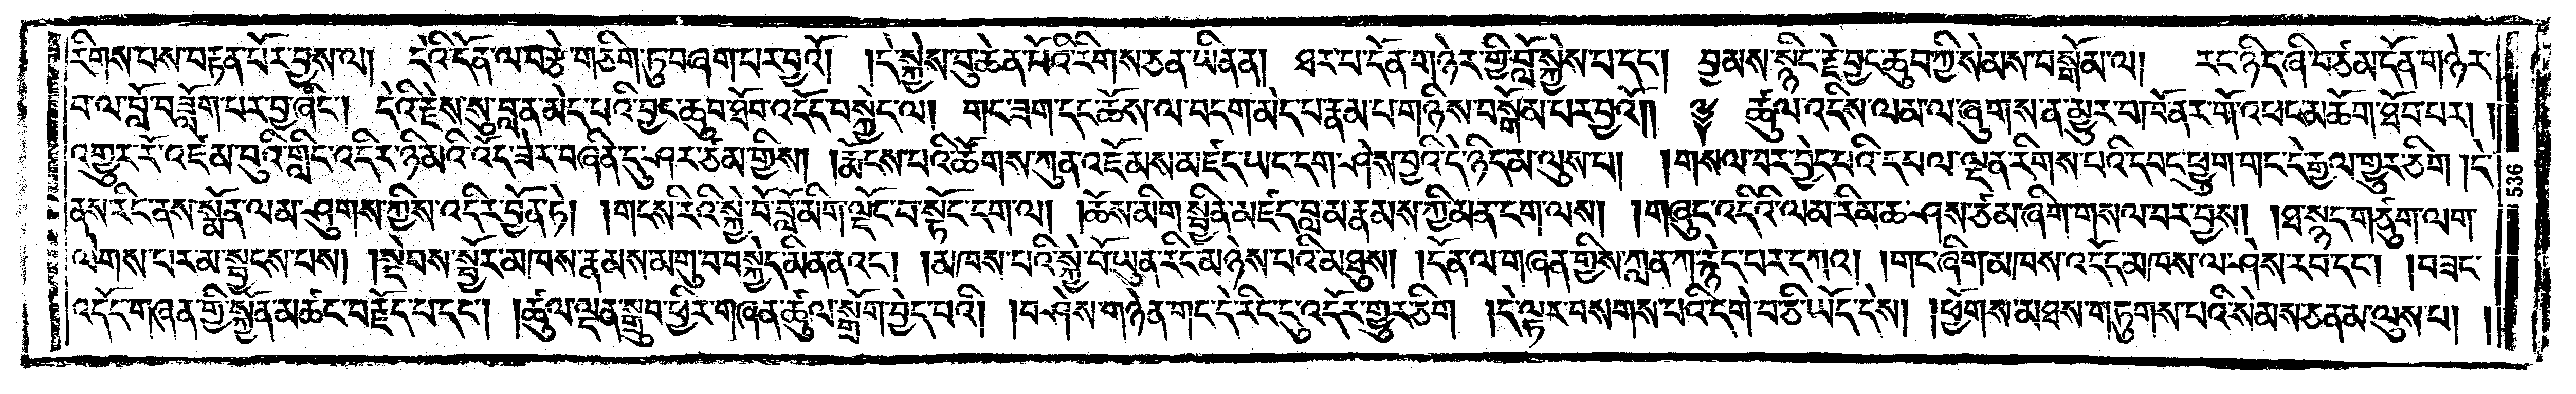རིགས་པས་བརྟན་པོར་བྱས་ལ། དེའི་དོན་ལ་བརྩེ་གཅིག་ཏུ་བཞག་པར་བྱའོ། །དེ་སྐྱེས་བུ་ཆེན་པོའི་རིགས་ཅན་ཡིན་ན། ཐར་པ་དོན་གཉེར་གྱི་བློ་སྐྱེས་པ་དང་། བྱམས་སྙིང་རྗེ་བྱང་ཆུབ་ཀྱི་སེམས་བསྒོམ་ལ། རང་ཉིད་ཞི་བ་ཙམ་དོན་གཉེར་
བ་ལ་བློ་བཟློག་པར་བྱ་ཞིང་། དེའི་རྗེས་སུ་བླ་ན་མེད་པའི་བྱང་ཆུབ་ཐོབ་འདོད་བསྐྱེད་ལ། གང་ཟག་དང་ཆོས་ལ་བདག་མེད་པ་རྣམ་པ་གཉིས་བསྒོམ་པར་བྱའོ།། ༈ ཚུལ་འདིས་ལམ་ལ་ཞུགས་ན་མྱུར་བ་ཁོ་ནར་གོ་འཕང་མཆོག་ཐོབ་པར། །
འགྱུར་རོ་འཛམ་བུའི་གླིང་འདིར་ཉི་མའི་འོད་ཟེར་བཞིན་དུ་ཤར་ཙམ་གྱིས། །རྨོངས་པའི་ཚོགས་ཀུན་འཇོམས་མཛད་ཡང་དག་ཤེས་བྱའི་དེ་ཉིད་མ་ལུས་པ། །གསལ་བར་བྱེད་པའི་དཔལ་ལྡན་རིགས་པའི་དབང་ཕྱུག་གང་དེ་རྒྱལ་གྱུར་ཅིག །དེ་
ནས་རིང་ནས་སྨོན་ལམ་ཤུགས་ཀྱིས་འདིར་བྱོན་ཏེ། །གངས་རིའི་སྐྱེ་བོ་བློ་མིག་ལྡོང་བ་སྟོང་དག་ལ། །ཆོས་མིག་སྦྱིན་མཛད་བླ་མ་རྣམས་ཀྱི་མན་ངག་ལས། །གཞུང་འདིའི་ལམ་རིམ་ཆ་ཤས་ཙམ་ཞིག་གསལ་བར་བྱས། །ཐ་སྙད་གཙུག་ལག་
ལེགས་པར་མ་སྦྱངས་པས། །སྡེབས་སྦྱོར་མཁས་རྣམས་མགུ་བ་བསྐྱེད་མིན་ནའང་། །མཁས་པའི་སྐྱེ་བོ་ཡུན་རིང་མཉེས་པའི་མཐུས། །དོན་ལ་གཞན་གྱིས་ཀླན་ཀ་རྙེད་པར་དཀའ། །གང་ཞིག་མཁས་འདོད་མཁས་ལ་ཤེས་རབ་དང་། །བཟང་
འདོད་གཞན་གྱི་སྐྱོན་མཚང་བརྗོད་པ་དང་། །ཚུལ་ལྡན་སྒྲུབ་ཕྱིར་གཞན་ཚུལ་སྒྲོག་བྱེད་པའི། །བཤེས་གཉེན་གང་དེ་རིང་དུ་འདོར་གྱུར་ཅིག །དེ་ལྟར་བསགས་པའི་དགེ་བ་ཅི་ཡོད་དེས། །ཕྱོགས་མཐས་གཏུགས་པའི་སེམས་ཅན་མ་ལུས་པ། །